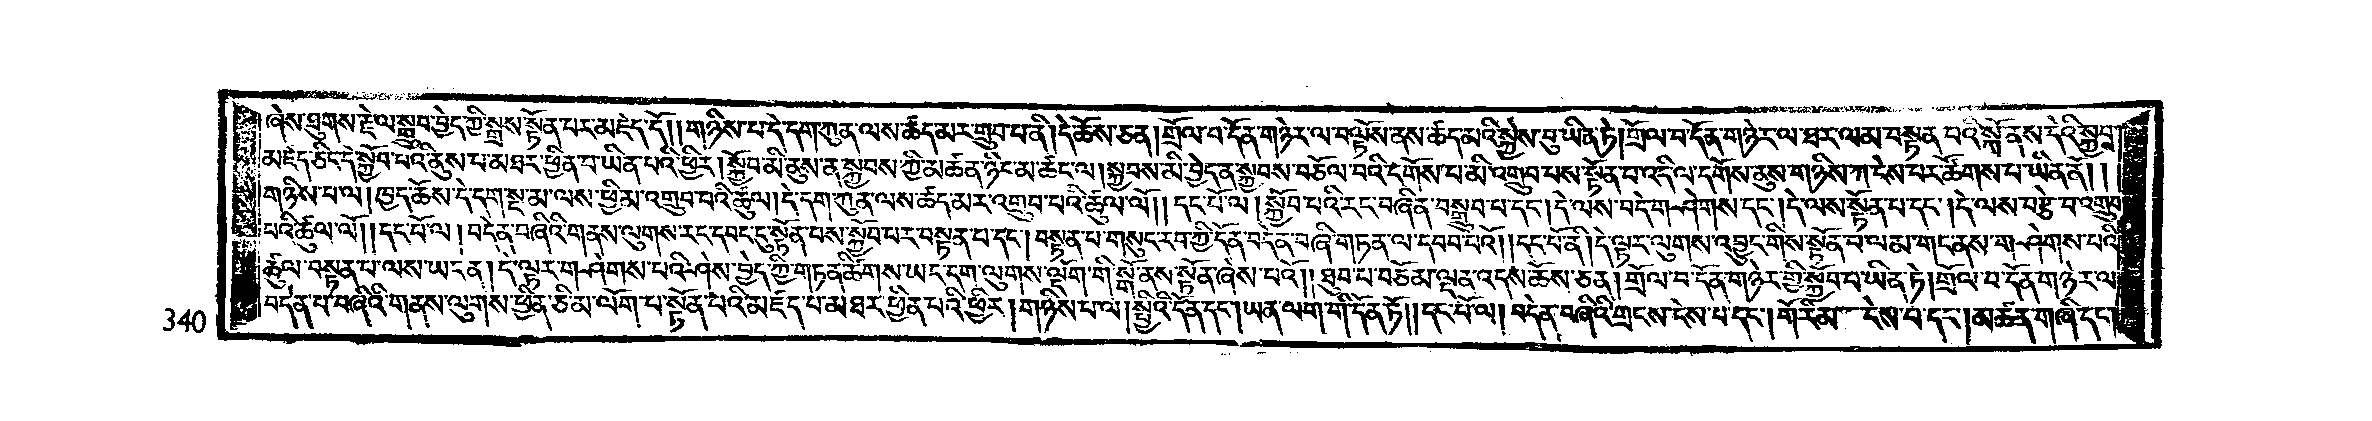ཞེས་ཐུགས་རྗེ་ལ་སྒྲུབ་བྱེད་ཀྱི་སྒྲས་སྟོན་པར་མཛད་དོ། །གཉིས་པ་དེ་དག་ཀུན་ལས་ཚད་མར་གྲུབ་པ་ནི། དེ་ཆོས་ཅན། གྲོལ་བ་དོན་གཉེར་ལ་བལྟོས་ནས་ཚད་མའི་སྐྱེས་བུ་ཡིན་ཏེ། གྲོལ་བ་དོན་གཉེར་ལ་ཐར་ལམ་བསྟན་པའི་སྐོ་ནས་དེའི་སྐྱབས་
མཛད་ཅིང་དེ་སྐྱོབ་པའི་ནུས་པ་མཐར་ཕྱིན་པ་ཡིན་པའི་ཕྱིར། སྐྱོབ་མི་ནུས་ན་སྐྱབས་ཀྱི་མཚན་ཉིད་མ་ཚང་ལ། སྐྱབས་མི་བྱེད་ན་སྐྱབས་བཅོལ་བའི་དགོས་པ་མི་འགྲུབ་པས་སྟོན་པ་འདི་ལ་དགོས་ནུས་གཉིས་ཀ་ངེས་པར་ཚོགས་པ་ཡིན་ནོ། །
གཉིས་པ་ལ་།ཁྱད་ཆོས་དེ་དག་སྔ་མ་ལས་ཕྱི་མ་འགྲུབ་པའི་ཚུལ། དེ་དག་ཀུན་ལས་ཚད་མར་འགྲུབ་པའི་ཚུལ་ལོ། །དང་པོ་ལ། སྐྱོབ་པའི་རང་བཞིན་བསྒྲུབ་པ་དང་། དེ་ལས་བདེ་གཤེགས་དང་།དེ་ལས་སྟོན་པ་དང་། དེ་ལས་བརྩེ་བ་འགྲུབ་
པའི་ཚུལ་ལོ། །དང་པོ་ལ། བདེན་བཞིའི་གནས་ལུགས་རང་དབང་དུ་སྟོན་པས་སྐྱོབ་པར་བསྟན་པ་དང་། བསྟན་པ་གསུང་རབ་ཀྱི་དོན་བདེན་བཞི་གཏན་ལ་དབབ་པའོ། །དང་པོ་ནི། དེ་ལྟར་ལུགས་འབྱུང་གིས་སྟོན་པ་ལམ་གང་ནས་གཤེགས་པའི་
ཚུལ་བསྟན་པ་ལས་ཡང་ན། དེ་ལྟར་གཤེགས་པའི་ཤེས་བྱེད་ཀྱི་གཏན་ཚིགས་ཡང་དག་ལུགས་ལྡོག་གི་སྒོ་ནས་སྟོན་ཞེས་པའོ། །ཐུབ་པ་བཅོམ་ལྡན་འདས་ཆོས་ཅན་།གྲོལ་བ་དོན་གཉེར་གྱི་སྐྱོབ་པ་ཡིན་ཏེ། གྲོལ་བ་དོན་གཉེར་ལ་
བདེན་པ་བཞིའི་གནས་ལུགས་ཕྱིན་ཅི་མ་ལོག་པ་སྟོན་པའི་མཛད་པ་མཐར་ཕྱིན་པའི་ཕྱིར། གཉིས་པ་ལ། སྤྱིའི་དོན་དང་། ཡན་ལག་གི་དོན་ཏོ། །དང་པོ་ལ། བདེན་བཞིའི་གྲངས་ངེས་པ་དང་། གོ་རིམ་ངེས་པ་དང་། མཚན་གཞི་དང་།